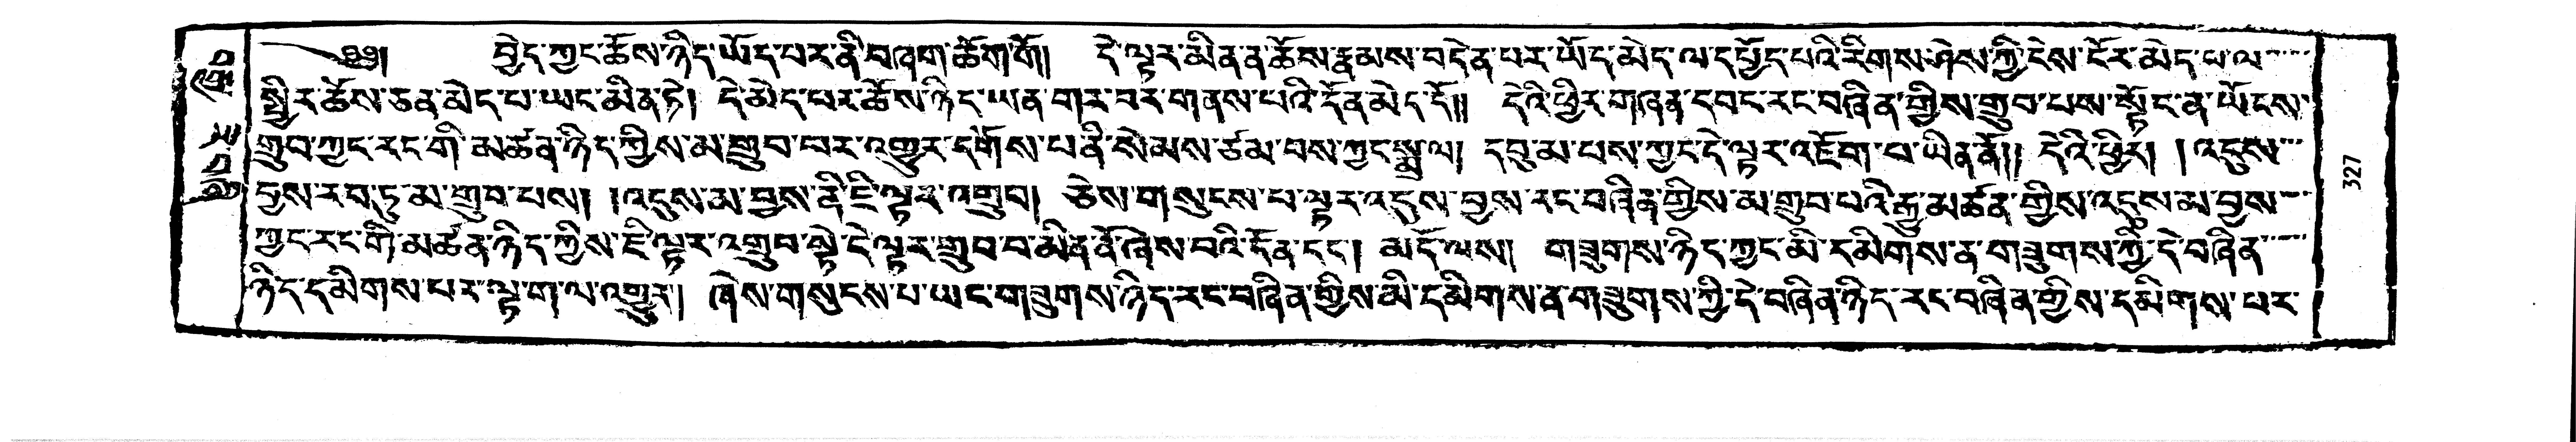༄༅། །བྱེད་ཀྱང་ཆོས་ཉིད་ཡོད་པར་ནི་བཞག་ཆོག་གོ །དེ་ལྟར་མིན་ན་ཆོས་རྣམས་བདེན་པར་ཡོད་མེད་ལ་དཔྱོད་པའི་རིགས་ཤེས་ཀྱི་ངེས་ངོར་མེད་པ་ལ་
སྤྱིར་ཆོས་ཅན་མེད་པ་ཡང་མིན་ཏེ། དེ་མེད་པར་ཆོས་ཉིད་ཡན་གར་བར་གནས་པའི་དོན་མེད་དོ། །དེའི་ཕྱིར་གཞན་དབང་རང་བཞིན་གྱིས་གྲུབ་པས་སྟོང་ན་ཡོངས་
གྲུབ་ཀྱང་རང་གི་མཚན་ཉིད་ཀྱིས་མ་གྲུབ་པར་འགྱུར་དགོས་པ་ནི་སེམས་ཙམ་པས་ཀྱང་སྨྲ་ལ། དབུ་མ་པས་ཀྱང་དེ་ལྟར་འཇོག་པ་ཡིན་ནོ། །དེའི་ཕྱིར། །འདུས་
བྱས་རབ་ཏུ་མ་གྲུབ་པས། །འདུས་མ་བྱས་ནི་ཇི་ལྟར་འགྲུབ། ཅེས་གསུངས་པ་ལྟར་འདུས་བྱས་རང་བཞིན་གྱིས་མ་གྲུབ་པའི་རྒྱུ་མཚན་གྱིས་འདུས་མ་བྱས་
ཀྱང་རང་གི་མཚན་ཉིད་ཀྱིས་ཇི་ལྟར་འགྲུབ་སྟེ་དེ་ལྟར་གྲུབ་བ་མིན་ནོ་ཞེས་པའི་དོན་དང་། མདོ་ལས། གཟུགས་ཉིད་ཀྱང་མི་དམིགས་ན་གཟུགས་ཀྱི་དེ་བཞིན་
ཉིད་དམིགས་པར་ལྟ་ག་ལ་འགྱུར། ཞེས་གསུངས་པ་ཡང་གཟུགས་ཉིད་རང་བཞིན་གྱིས་མི་དམིགས་ན་གཟུགས་ཀྱི་དེ་བཞིན་ཉིད་རང་བཞིན་གྱིས་དམིགས་པར་